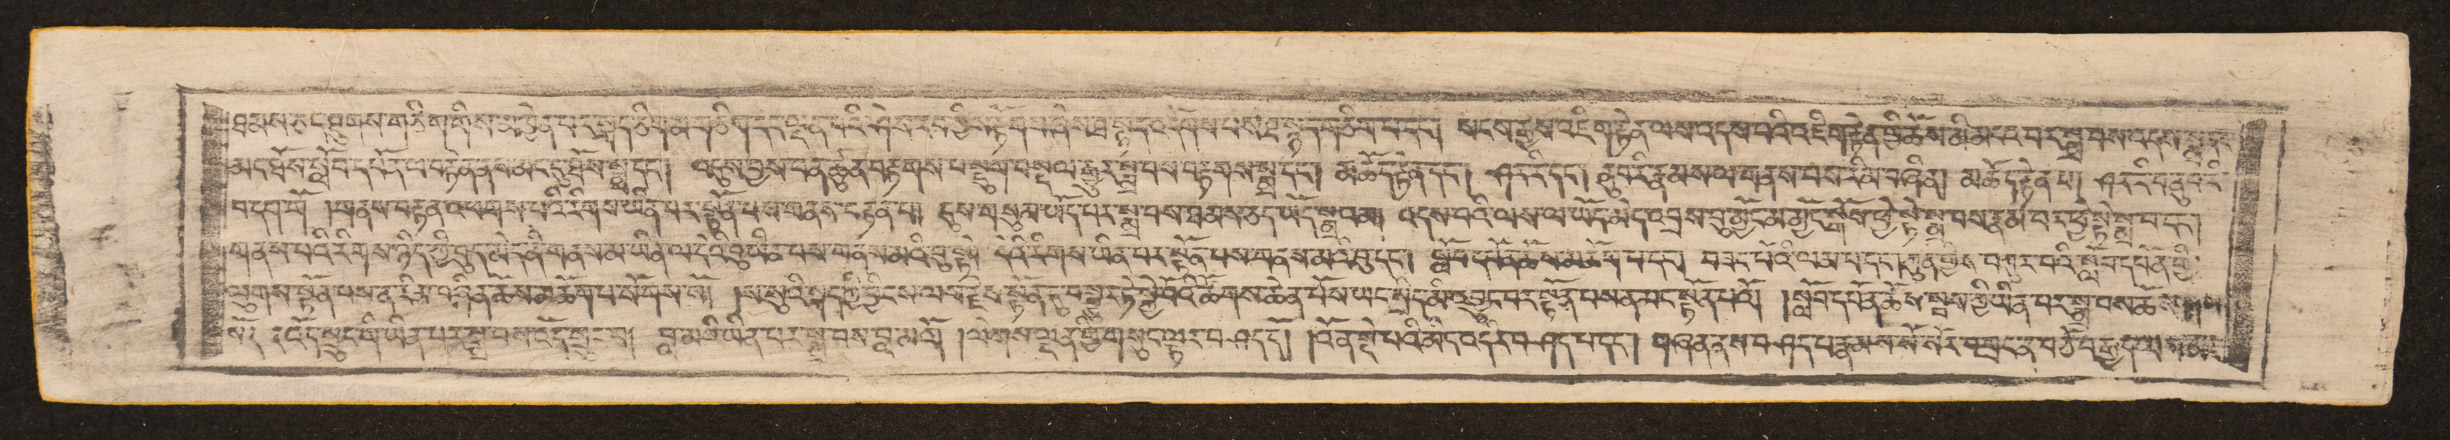ཐམས་ཅད་ཐུགས་གཅིག་གིས་མཁྱེན་པར་སྐད་ཅིག་མ་གཅིག་དང་ལྡན་པའི་ཤེས་རབ་ཀྱིས་རྟོགས་ཞེས་ཐ་སྙད་འདོགས་པས་ཐ་སྙད་གཅིག་པ་དང་། སངས་རྒྱས་འཇིག་རྟེན་ལས་འདས་པའི་འཇིག་རྟེན་གྱི་ཆོས་མི་མངའ་བར་སྨྲ་བས་འདས་སྨྲ་དང་
མང་ཐོས་སློབ་དཔོན་ལ་བརྟེན་ནས་མང་དུ་ཐོས་སྨྲ་དང་། འདུས་བྱས་ཕན་ཚུན་བརྟགས་པ་སྡུག་བསྔལ་རྒྱུར་སྨྲ་བས་བརྟགས་སྨྲ་དང་། མཆོད་རྟེན་དང་། ཤར་རི་དང་། ནུབ་རི་རྣམས་ལ་གནས་པས་རིམ་བཞིན། མཆོད་རྟེན་པ། ཤར་རི་བ་ནུབ་རི་
བདག་གོ །གནས་བརྟན་འཕགས་པའི་རིགས་ཡིན་པར་སྟོན་པས་གནས་བརྟན་པ། དུས་གསུམ་ཡོད་པར་སྨྲ་བས་ཐམས་ཅད་ཡོད་སྨྲ་འམ། འདས་པའི་ལས་ལ་ཡོད་མེད་འབྲས་བུ་མྱོང་བ་མྱོང་སྒོས་ཕྱེ་སྟེ་སྨྲ་བས་རྣམ་པར་ཕྱེ་སྟེ་སྨྲ་བ་དང་།
གནས་པའི་རིགས་ཉིད་ཀྱི་བུད་མེད་ནི་གནས་མ་ཡིན་ལ་དེའི་བུ་ཡིན་པས་གནས་མའི་བུ་སྟེ། དེའི་རིགས་ཡིན་པར་སྟོན་པས་གནས་མའི་བུ་དང་། སློབ་དཔོན་ཆོས་མཆོག་པ་དང་། བཟང་པོའི་ལམ་པ་དང་། ཀུན་གྱིས་བཀུར་བའི་སློབ་དཔོན་གྱི་
ལུགས་སྟོན་པས་ན་རིམ་བཞིན་ཆོས་མཆོག་པ་སོགས་སོ། །ས་སུའི་སྐད་ཀྱི་བྱིངས་ལས་རྗེས་སྟོན་དུ་བསྒྱུར་ཏེ་སྐྱེ་བོའི་ཚོགས་ཆེན་པོས་ཡང་སྲིད་མི་འབྱུང་བར་སྟོན་པས་ན་མང་སྟོན་པའོ། །སློབ་དཔོན་ཆོས་སྦས་ཀྱི་ཡིན་པར་སྨྲ་བས་ཆོས་སྦས་
སོ༑ ༑འོད་སྲུང་གི་ཡིན་པར་སྨྲ་བས་འོད་སྲུང་བ། བླ་མའི་ཡིན་པར་སྨྲ་བས་བླ་མའོ། །ལེགས་ལྡན་གྱི་གསུང་ལྟར་བཤད་དོ། །འོ་ན་སྡེ་པའི་མིང་འདིར་བཤད་པ་དང་། གཞན་ནས་བཤད་པ་རྣམས་སོ་སོར་བགྲང་ན་བཅོ་བརྒྱད་ལས་མང་